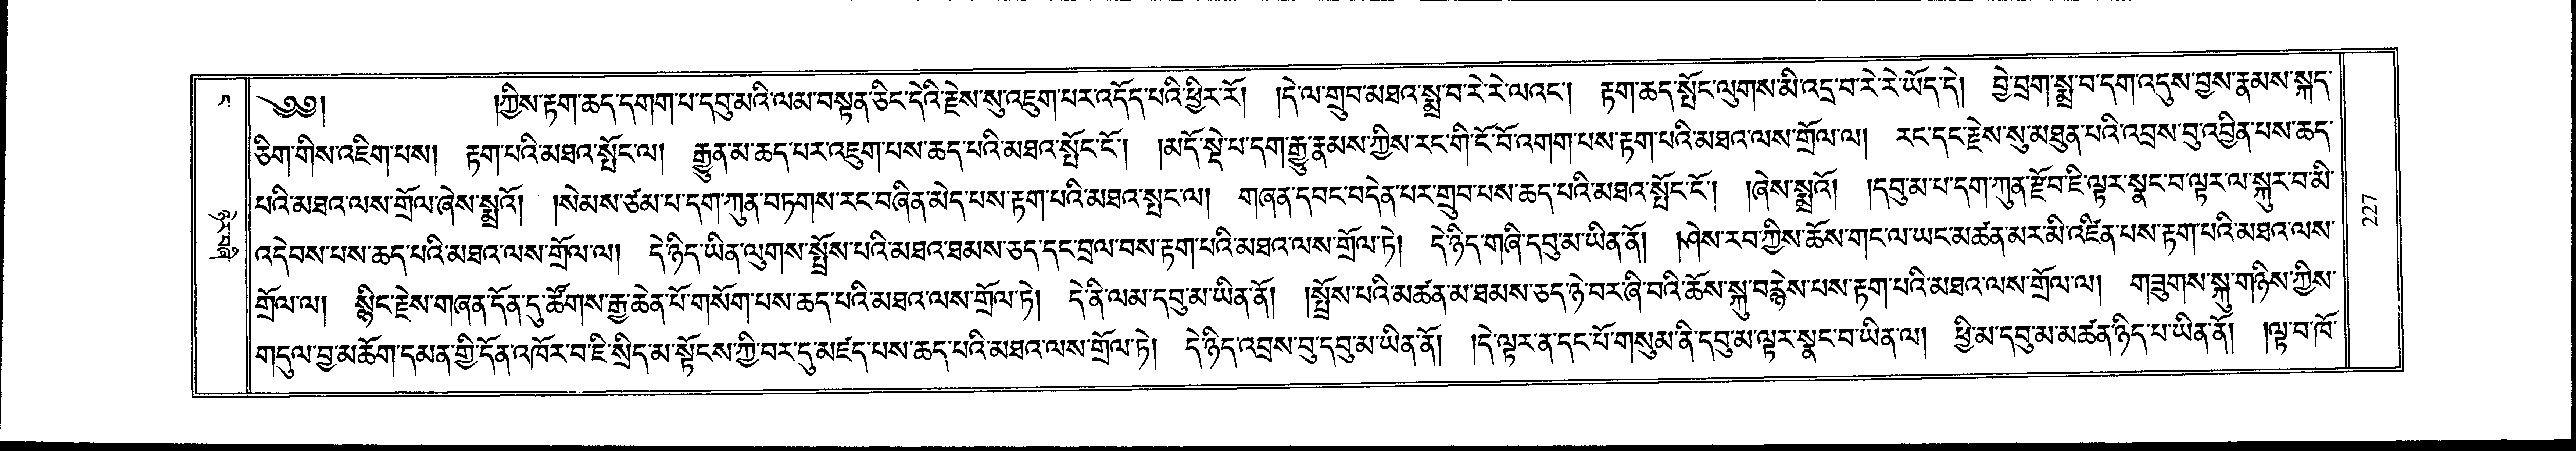༄༅། །ཀྱིས་རྟག་ཆད་དགག་པ་དབུ་མའི་ལམ་བསྟན་ཅིང་དེའི་རྗེས་སུ་འཇུག་པར་འདོད་པའི་ཕྱིར་རོ། །དེ་ལ་གྲུབ་མཐའ་སྨྲ་བ་རེ་རེ་ལའང་། །རྟག་ཆད་སྤོང་ལུགས་མི་འདྲ་བ་རེ་རེ་ཡོད་དེ། བྱེ་བྲག་སྨྲ་བ་དག་འདུས་བྱས་རྣམས་སྐད་
ཅིག་གིས་འཇིག་པས། རྟག་པའི་མཐའ་སྤོང་ལ། རྒྱུན་མ་ཆད་པར་འཇུག་པས་ཆད་པའི་མཐའ་སྤོང་ངོ། །མདོ་སྡེ་པ་དག་རྒྱུ་རྣམས་ཀྱིས་རང་གི་ངོ་བོ་འགག་པས་རྟག་པའི་མཐའ་ལས་གྲོལ་ལ། རང་དང་རྗེས་སུ་མཐུན་པའི་འབྲས་བུ་འབྱིན་པས་ཆད་
པའི་མཐའ་ལས་གྲོལ་ཞེས་སྨྲའོ། །སེམས་ཙམ་པ་དག་ཀུན་བཏགས་རང་བཞིན་མེད་པས་རྟག་པའི་མཐའ་སྤང་ལ། གཞན་དབང་བདེན་པར་གྲུབ་པས་ཆད་པའི་མཐའ་སྤོང་ངོ། །ཞེས་སྨྲའོ། །དབུ་མ་པ་དག་ཀུན་རྫོབ་ཇི་ལྟར་སྣང་བ་ལྟར་ལ་སྐུར་བ་མི་
འདེབས་པས་ཆད་པའི་མཐའ་ལས་གྲོལ་ལ། དེ་ཉིད་ཡིན་ལུགས་སྤྲོས་པའི་མཐའ་ཐམས་ཅད་དང་བྲལ་བས་རྟག་པའི་མཐའ་ལས་གྲོལ་ཏེ། དེ་ཉིད་གཞི་དབུ་མ་ཡིན་ནོ། །ཤེས་རབ་ཀྱིས་ཆོས་གང་ལ་ཡང་མཚན་མར་མི་འཛིན་པས་རྟག་པའི་མཐའ་ལས་
གྲོལ་ལ། སྙིང་རྗེས་གཞན་དོན་དུ་ཚོགས་རྒྱ་ཆེན་པོ་གསོག་པས་ཆད་པའི་མཐའ་ལས་གྲོལ་ཏེ། དེ་ནི་ལམ་དབུ་མ་ཡིན་ནོ། །སྤྲོས་པའི་མཚན་མ་ཐམས་ཅད་ཉེ་བར་ཞི་བའི་ཆོས་སྐུ་བརྙེས་པས་རྟག་པའི་མཐའ་ལས་གྲོལ་ལ། གཟུགས་སྐུ་གཉིས་ཀྱིས་
གདུལ་བྱ་མཆོག་དམན་གྱི་དོན་འཁོར་བ་ཇི་སྲིད་མ་སྟོངས་ཀྱི་བར་དུ་མཛད་པས་ཆད་པའི་མཐའ་ལས་གྲོལ་ཏེ། དེ་ཉིད་འབྲས་བུ་དབུ་མ་ཡིན་ནོ། །དེ་ལྟར་ན་དང་པོ་གསུམ་ནི་དབུ་མ་ལྟར་སྣང་བ་ཡིན་ལ། ཕྱི་མ་དབུ་མ་མཚན་ཉིད་པ་ཡིན་ནོ། །ལྟ་བ་ཁོ་